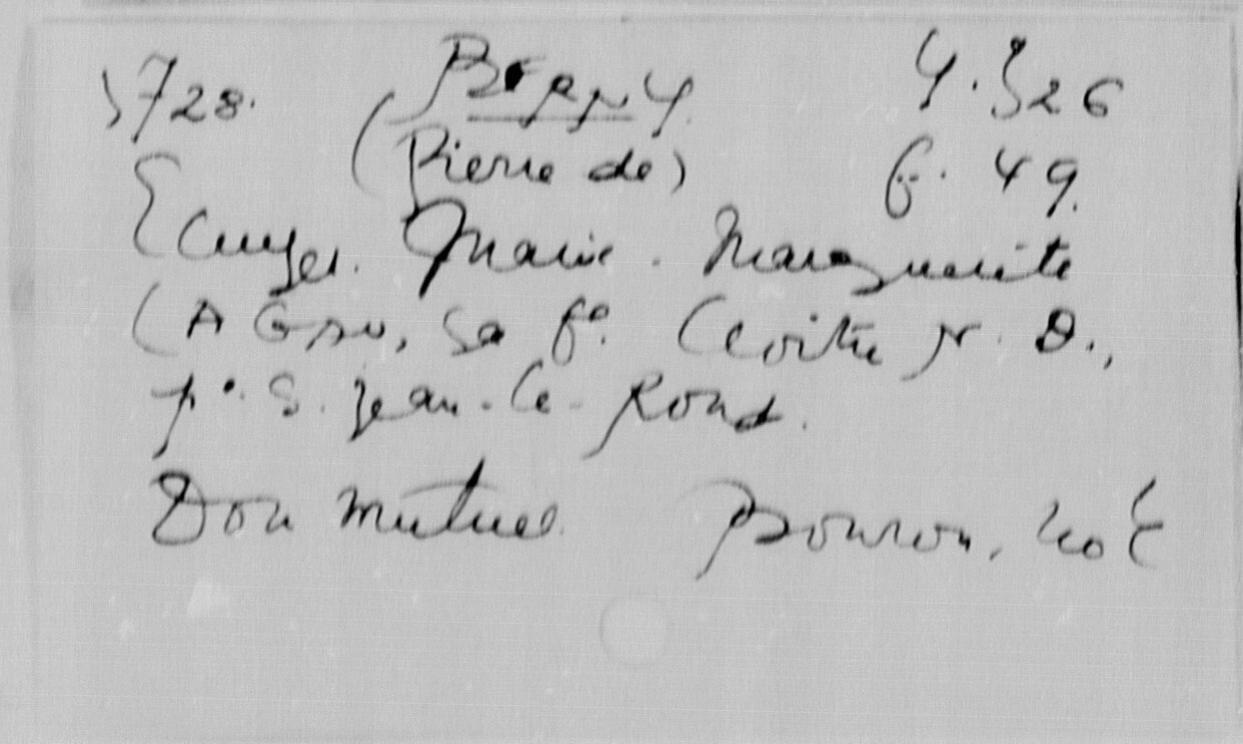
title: BERNY (Pierre de)
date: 1728
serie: Y
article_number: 326
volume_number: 49
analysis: Écuyer. Marie-Marguerite Lagau, sa femme, Cloître Notre-Dame paroisse Saint-Jean-le-Rond Don mutuel. Bouron, notaire.
